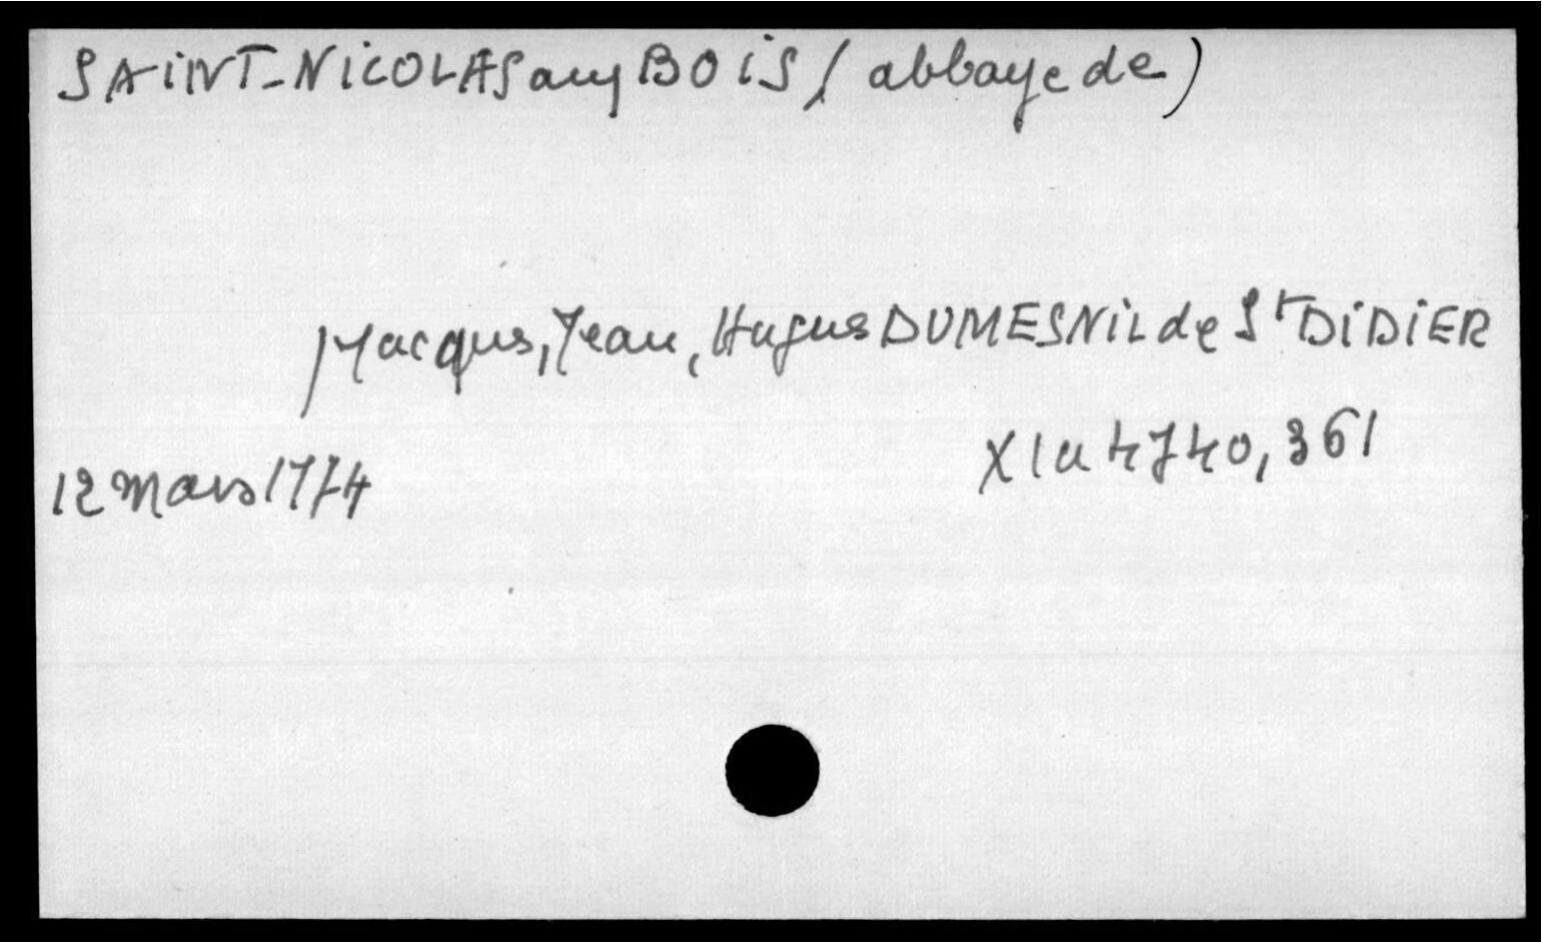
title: SAINT-NICOLAS aux BOIS (abbaye de)
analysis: Contre Jacques, Jean, Hugues DUMESNIL de SAINT-DIDIER
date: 12 mars 1774
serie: X1a
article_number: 4740
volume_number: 361
